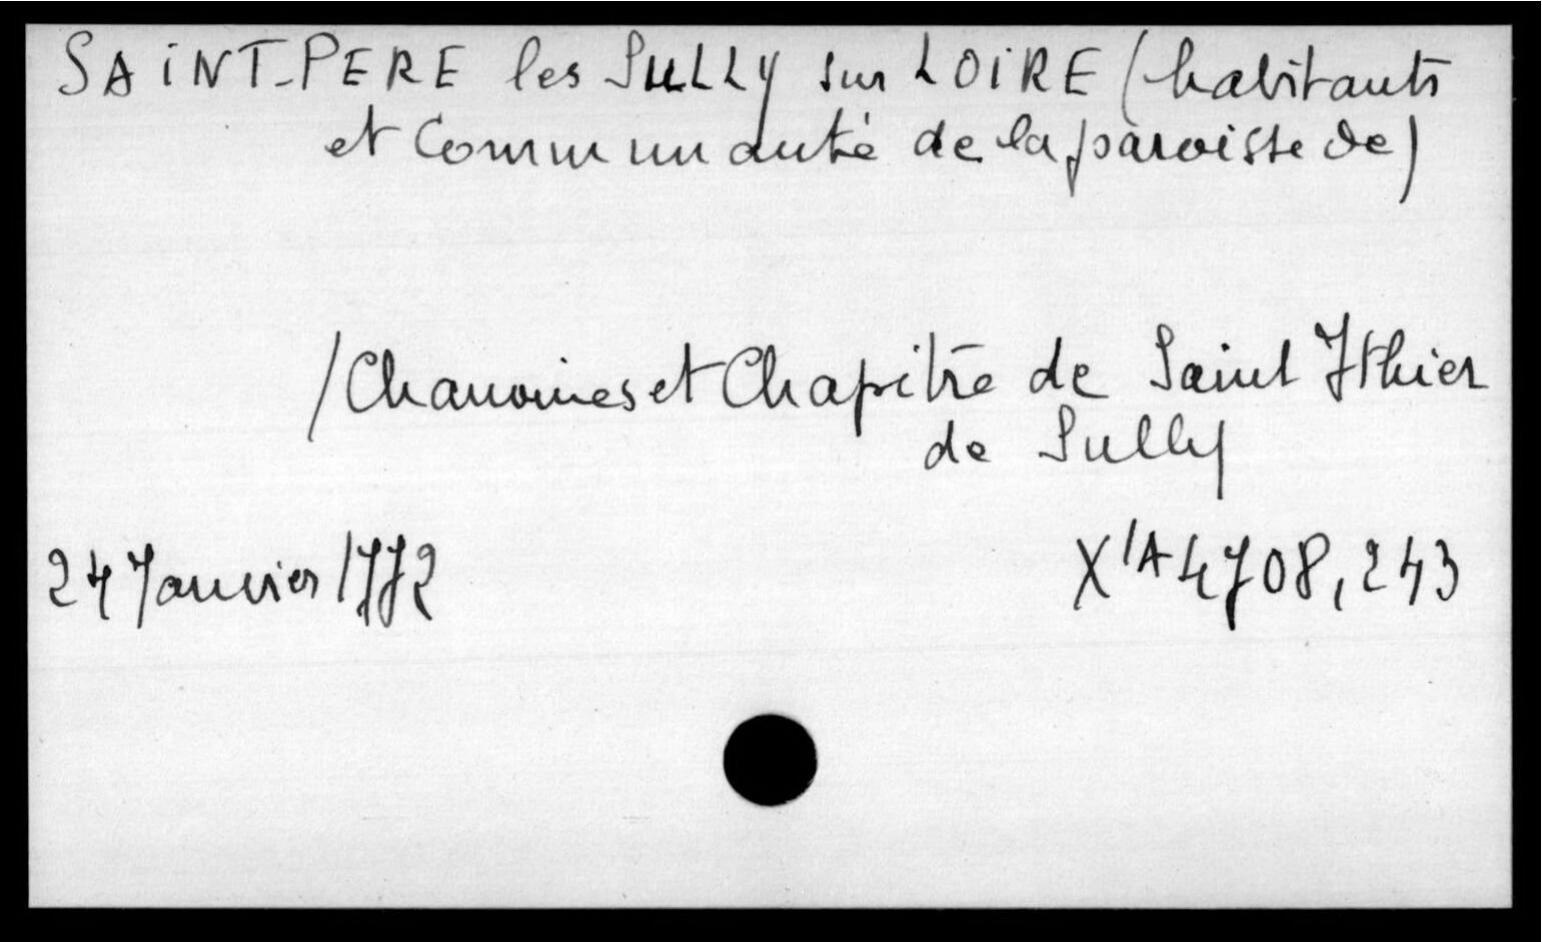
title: SAINT-PERE les SULLY sur LOIRE (habitants et communauté de la paroisse de)
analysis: Contre Chanoines et Chapitre de Saint-Ythier de Sully
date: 24 janvier 1772
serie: X1A
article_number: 4708
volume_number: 243
